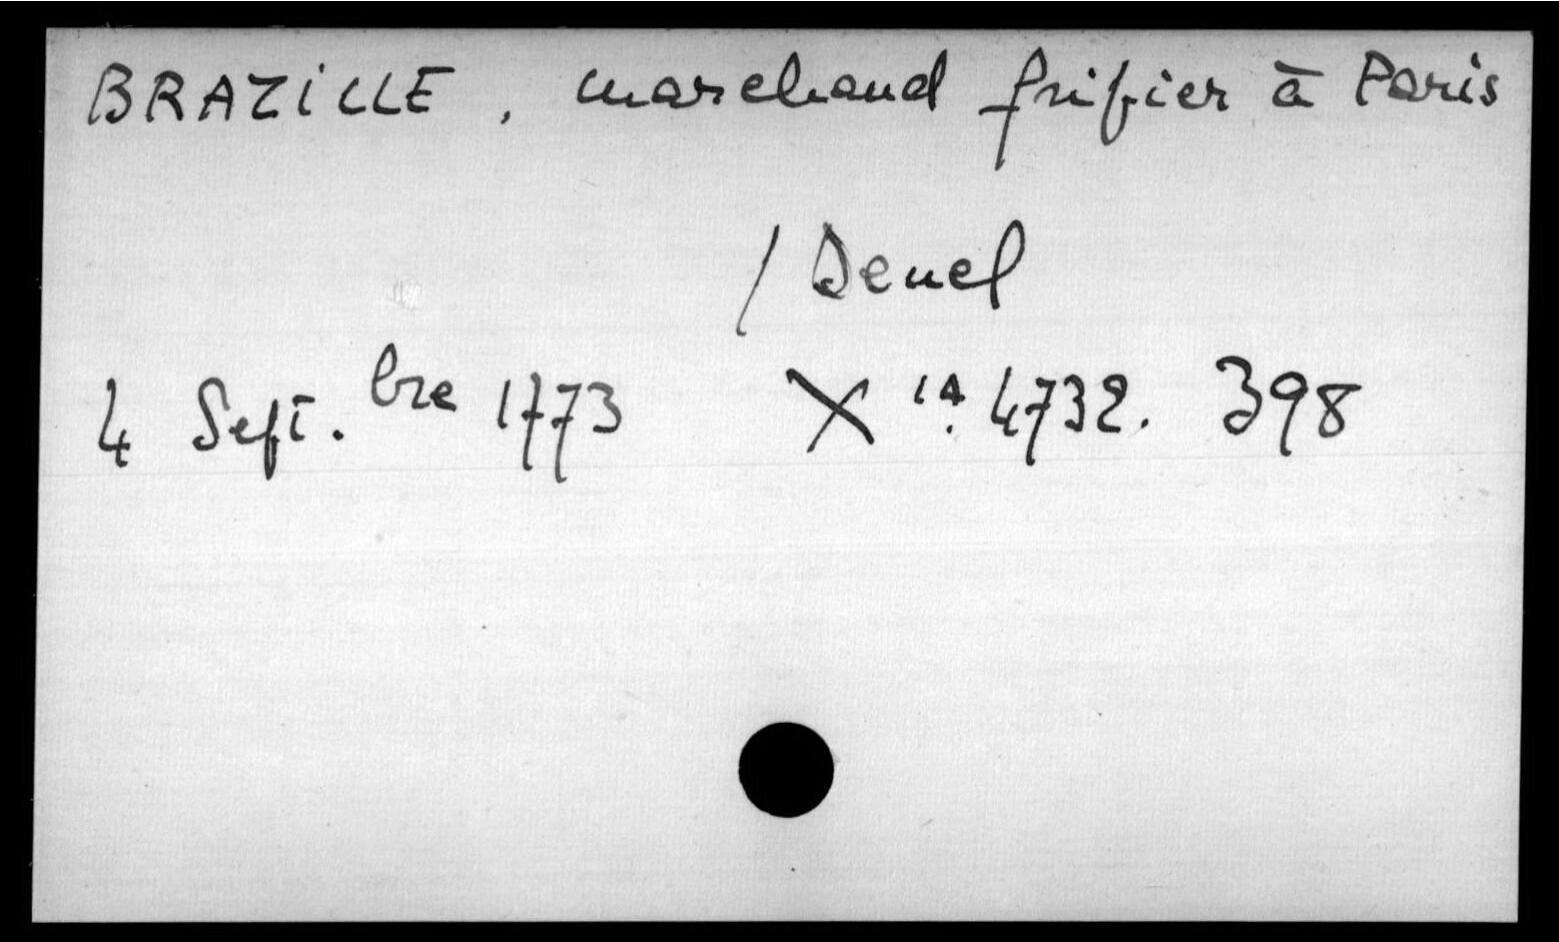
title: BRAZILLE, marchand fripier à Paris
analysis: Contre Deuel
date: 4 septembre 1773
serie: X1A
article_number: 4732
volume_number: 398
